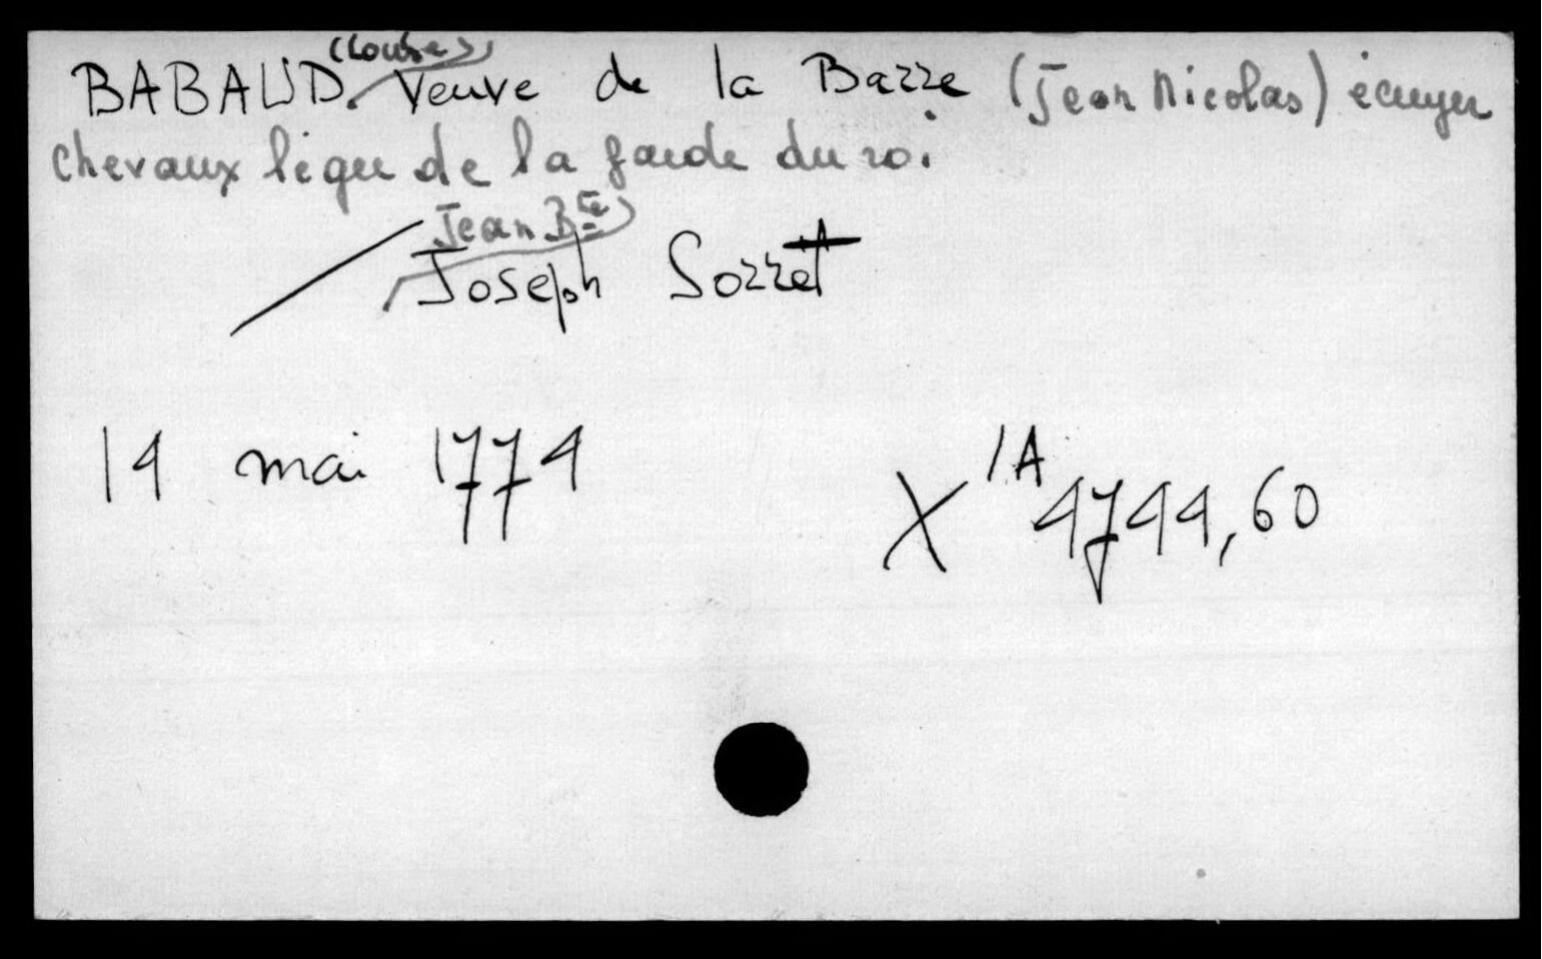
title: BABAUD (Louise) Veuve de la Barre (Jean Nicolas) écuyer chevaux léger de la garde du roi
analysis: Contre Jean-Baptiste Joseph Sorret
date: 14 mai 1774
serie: X1A
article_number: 4744
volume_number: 60
